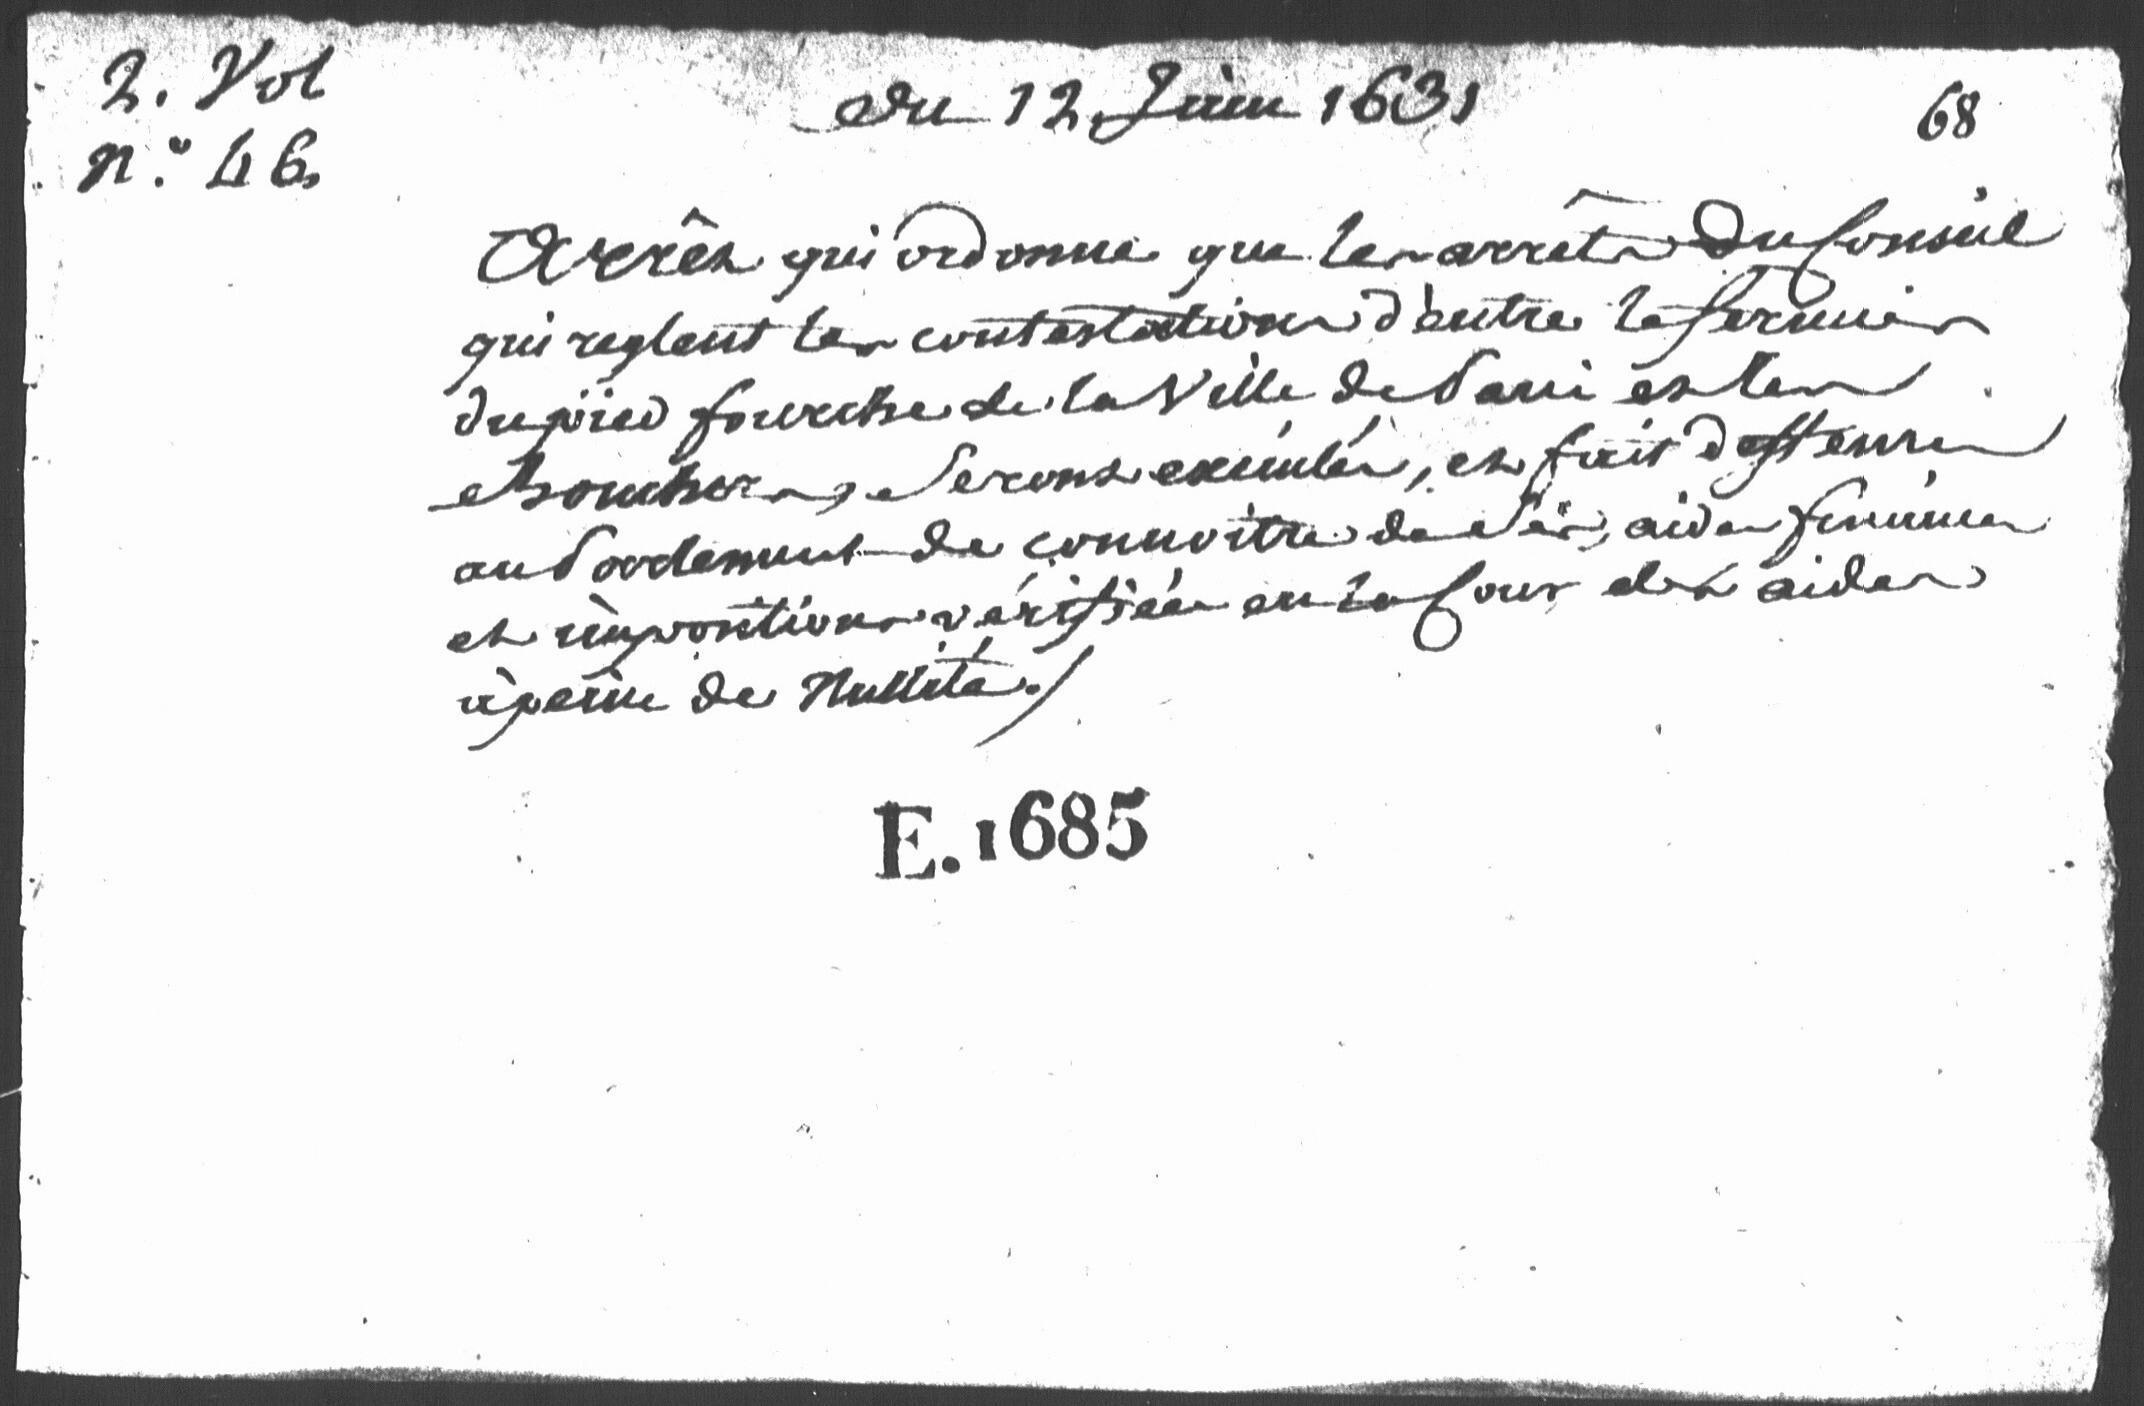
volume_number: n°46
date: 12 juin 1631
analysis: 68
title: Arrêt qui ordonne que les arrêts du Conseil qui reglent les contestations d'entre le fermier du pied fourche de la ville de paris et les Bouchers seront exécutés, et fait déffenses au Parlement de connoitre de ses aides finances et impositions vérifiées en la Cour des aides à peine de nullité.
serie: E
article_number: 1685
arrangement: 2. vol
